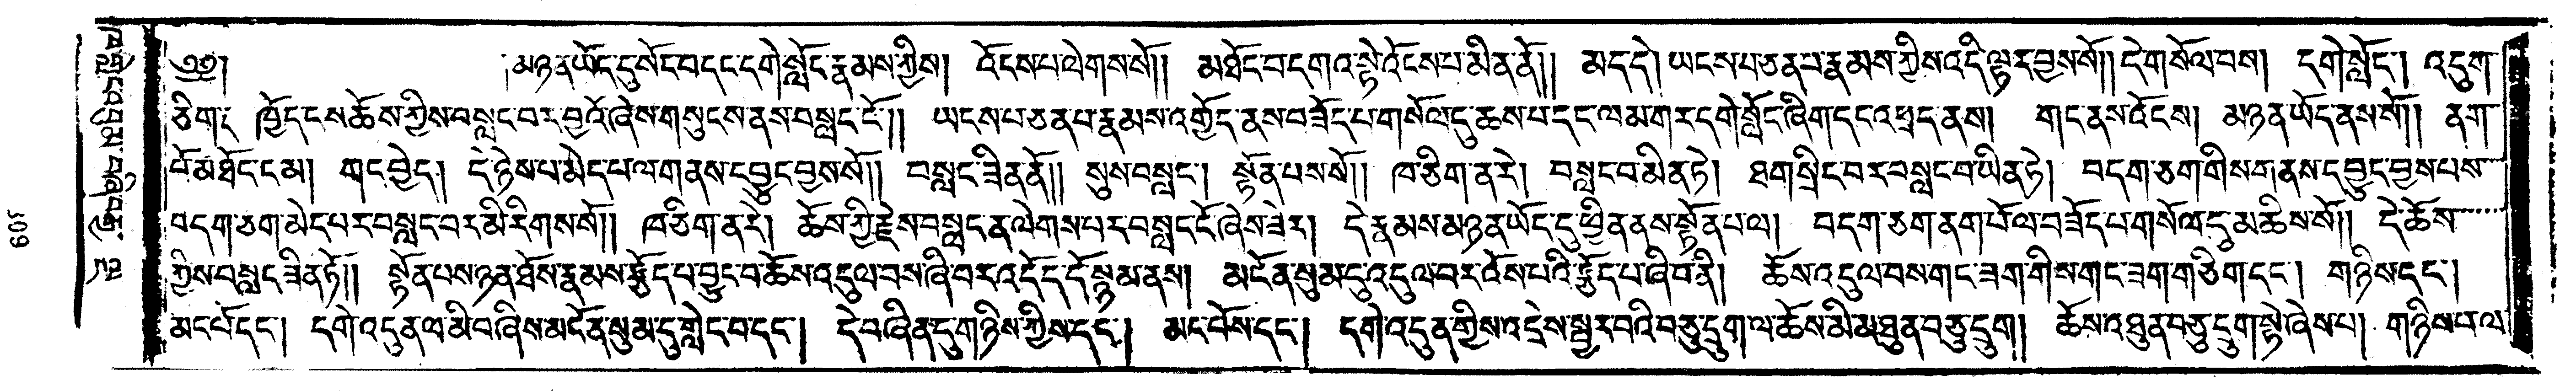༄༅། །མཉན་ཡོད་དུ་སོང་བ་དང་དགེ་སློང་རྣམས་ཀྱིས། འོངས་པ་ལེགས་སོ།། མཐོང་བ་དགའ་སྟེ་འོངས་པ་མིན་ནོ།། མད་དེ། ཡངས་པ་ཅན་པ་རྣམས་ཀྱིས་འདི་ལྟར་བྱས་སོ།། དེ་གསོལ་བས། དགེ་སློང་། འདུག་
ཅིག༑ ཁྱོད་ངས་ཆོས་ཀྱིས་བསླང་བར་བྱའོ་ཞེས་གསུངས་ནས་བསླང་ངོ།། ཡངས་པ་ཅན་པ་རྣམས་འགྱོད་ནས་བཟོད་པ་གསོལ་དུ་ཆས་པ་དང་ལམ་གར་དགེ་སློང་ཞིག་དང་འཕྲད་ནས། གང་ནས་འོངས། མཉན་ཡོད་ནས་སོ།། ནག་
པོ་མཐོང་ངམ། གང་བྱེད། དེ་ཉེས་པ་མེད་པ་ལ་གནས་དབྱུང་བྱས་སོ།། བསླང་ཟིན་ནོ།། སུས་བསླང་། སྟོན་པས་སོ།། ཁ་ཅིག་ན་རེ། བསླང་བ་མིན་ཏེ། ཐག་སྲིང་བར་བསླང་བ་ཡིན་ཏེ། བདག་ཅག་གིས་གནས་དབྱུང་བྱས་པས་
བདག་ཅག་མེད་པར་བསླང་བར་མི་རིགས་སོ།། ཁ་ཅིག་ན་རེ། ཆོས་ཀྱི་རྗེས་བསླང་ན་ལེགས་པར་བསླང་ངོ་ཞེས་ཟེར། དེ་རྣམས་མཉན་ཡོང་དུ་ཕྱིན་ནས་སྟོན་པ་ལ། བདག་ཅག་ནག་པོ་ལ་བཟོད་པ་གསོལ་དུ་མཆིས་སོ།། དེ་ཆོས་
ཀྱིས་བསླང་ཟིན་ཏོ།། སྟོན་པས་ཉན་ཐོས་རྣམས་རྩོད་པ་བྱུང་བ་ཆོས་འདུལ་བས་ཞི་བར་འདོད་དོ་སྙམ་ནས། མངོན་སུམ་དུ་འདུལ་བར་འོས་པའི་རྩོད་པ་ཞི་བ་ནི། ཆོས་འདུལ་བས་གང་ཟག་གིས་གང་ཟག་གཅིག་དང་། གཉིས་དང་།
མང་པོ་དང་། དགེ་འདུན་ལ་མི་བཞིས་མངོན་སུམ་དུ་གླེང་བ་དང་། དེ་བཞིན་དུ་གཉིས་ཀྱིས་དང་། མང་པོས་དང་། དགེ་འདུན་གྱིས་འདྲེས་སྦྱར་བའི་བཅུ་དྲུག་ལ་ཆོས་མི་མཐུན་བཅུ་དྲུག། ཆོས་འཐུན་བཅུ་དྲུག་སྟེ་ཞེས་པ། གཉིས་པ་ལ་